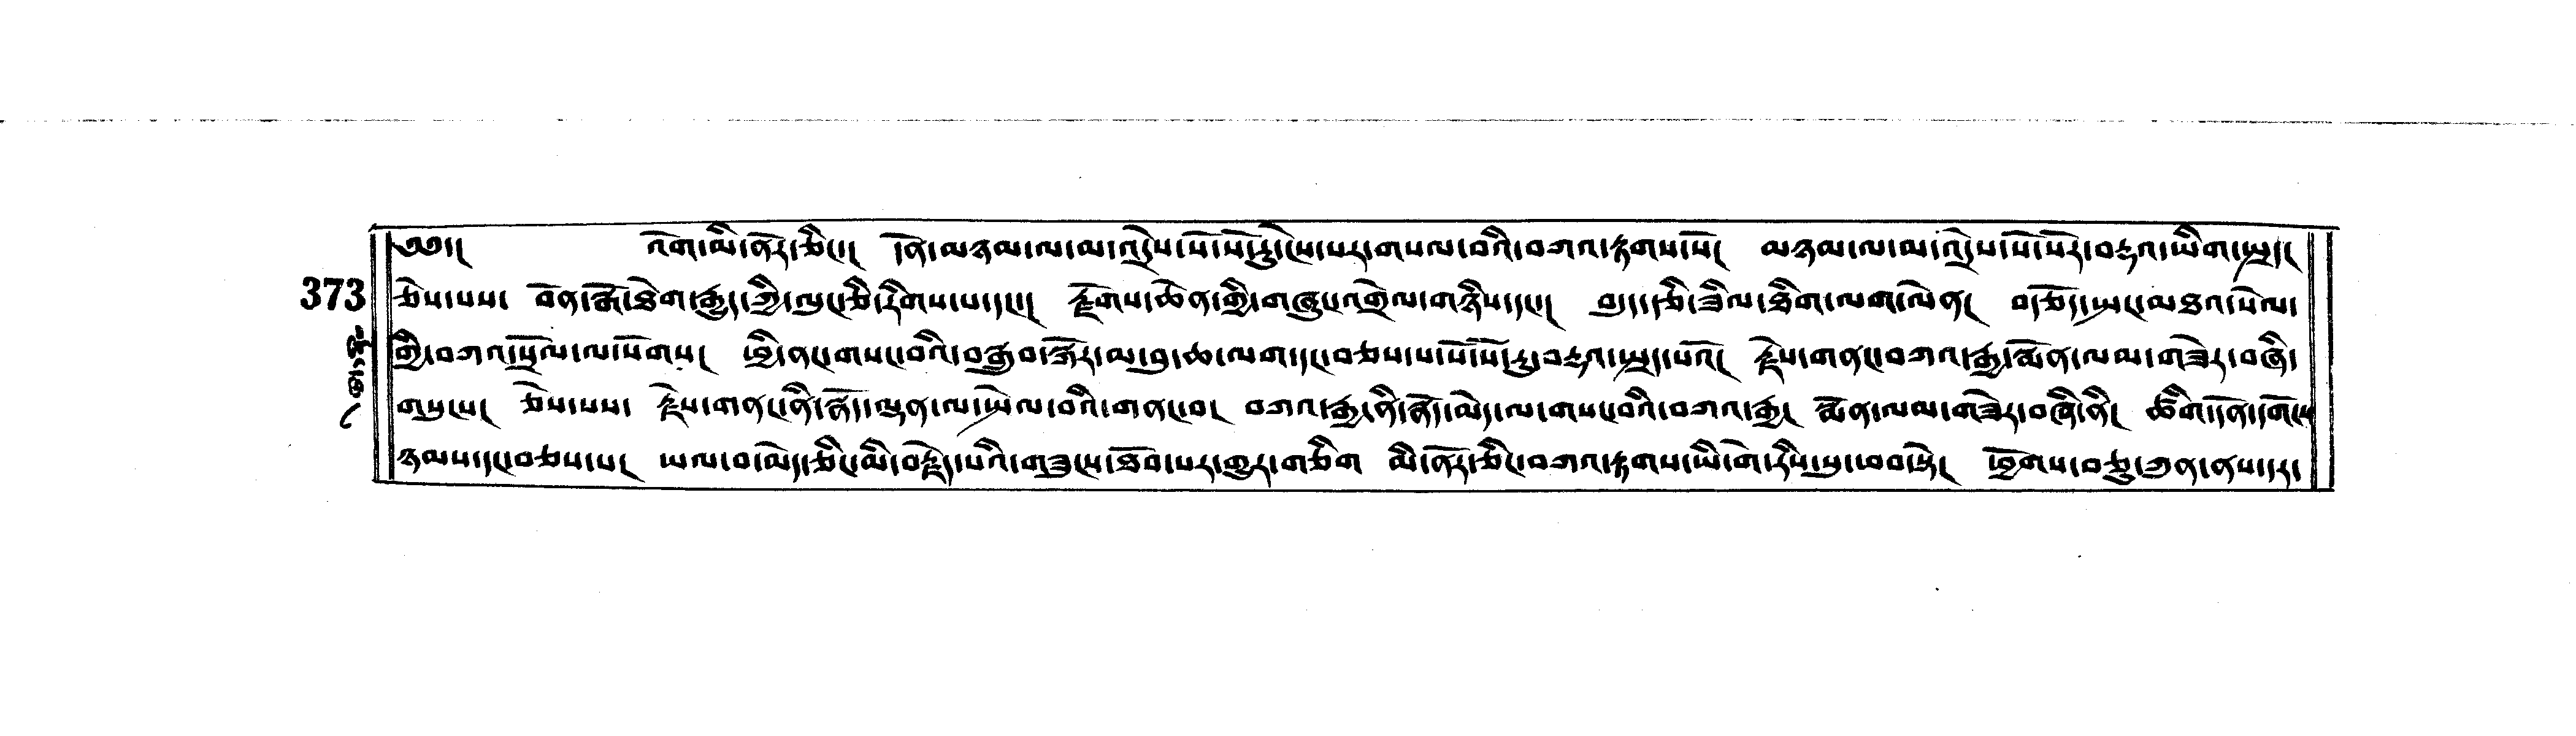འོག་མི་ནོར་ཅིང་། དོན་མཉམ་ལ་མ་འདྲེས་སོ་སོ་རུ་ངེས་པར་གསལ་བའི་བཀའ་རྟགས་སོ། མཉམ་ལ་མ་འདྲེས་སོ་སོར་བརྡ་ཡིག་སྤྲད། 
ཅེས་པས། བོན་སྒོ་ཐེག་རྒྱུད་ཀྱི་ལུང་ཅི་རིགས་པ་དང་། རྫོགས་ཆེན་གྱི་གཞུང་འགྲེལ་གཉིས་དང་། བདུད་རྩི་ཟིལ་ཐིག་ལག་ལེན། རྩོད་སྤོང་མཐའ་སེལ་
གྱི་བཀའ་སྲོལ་ལ་སོགས། ཕྱི་ནང་གསང་བའི་སྒྲུབ་སྐོར་མ་བུ་ཆ་ལག་དང་བཅས་པ་སོ་སོ་རུ་བརྡ་སྤྲད་པའོ། རྗེས་གནང་བཀའ་རྒྱ་སྨོན་ལམ་གཟེར་བཞི་
གསུངས། ཅེས་པས། རྗེས་གནང་ནི་སྣོད་ལྡན་ལ་སྤེལ་བའི་གནང་བ། བཀའ་རྒྱ་ནི་སྣོད་མེད་ལ་གསང་བའི་བཀའ་རྒྱ། སྨོན་ལམ་གཟེར་བཞི་ནི། ཚིག་དོན་དགོངས་
ཉམས་དང་བཅས་པ། ཡལ་བ་མེད་ཅིང་མི་བརྗེད་པའི་གཟུངས་ཐོབ་པར་གྱུར་ཅིག མི་ནོར་ཅིང་བཀའ་རྟགས་ཡི་གེ་རིས་སུ་ཕབ་སྟེ། ཕྱོགས་བཅུ་ཀུན་ནས་དར་